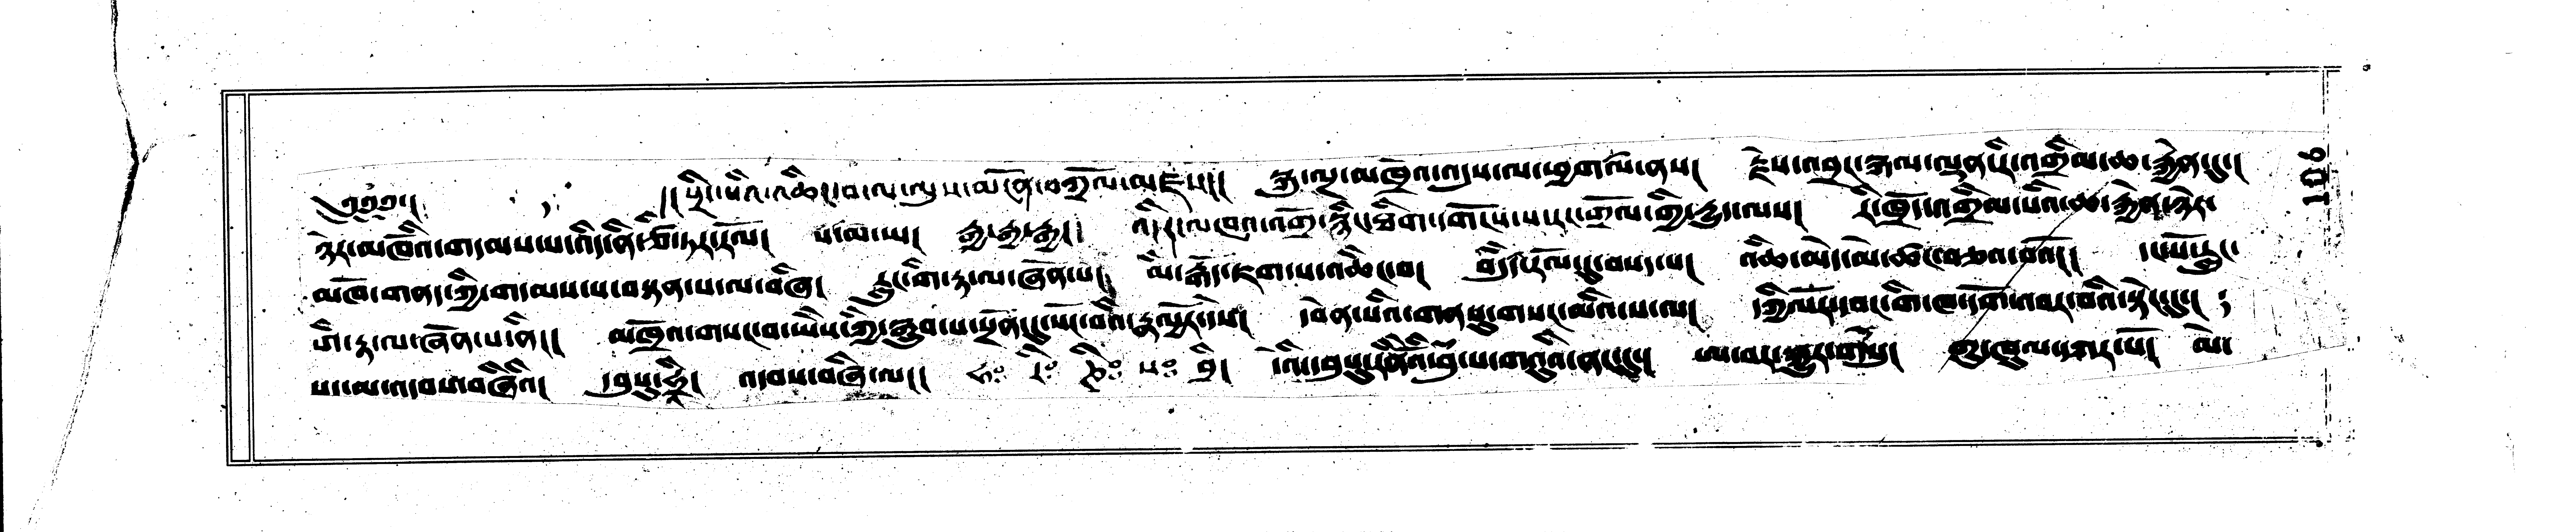༄༅།། །།སྲིད་པའིཙ་འཆིང་བ་མ་ལུས་མངོན་གྲོལ་མཛད། །སྐུ་ལྔ་མཁའ་འགྲོ་འདུས་ལ་ཕྱག་འཚལ་ནས། རྗེས་འབྲངས་སྐལ་ལྡན་རི་འགྲིམས་ཆ་རྐྱེན་དུ། །
ཉེར་མཁོའི་གདམས་པ་འདི་ནི་ཙིརྟར་རོལ། །ས་མ་ཡ། རྒྱ་རྒྱ་རྒྱ། འདིར་མཁའ་འགྲོ་སྙིང་ཐིག་དགོངས་པ་རང་གྲོལ་གྱི་རྒྱུད་ལས། རི་ཁྲོད་འགྲིམས་པའི་ཆ་རྐྱེན་ཉེར་
མཁོ་གནད་ཀྱི་གདམས་པ་བསྟན་པ་ལ་བཞི། རླུང་གི་རྟ་ལ་ཞོན་པ། མི་རྒོད་ཇག་པ་འཆིང་བ། བདུད་རྩི་རོལ་དུ་བསད་པ། འཆི་མེད་མེ་ཚང་བཅའ་བའོ། །དང་པོ་རླུང་
གི་རྟ་ལ་ཞོན་པ་ནི། མཁའ་འགྲོ་གསང་བ་ཡེ་ཤེས་ཀྱི་སྒྲུབ་པ་སྔོན་དུ་སོང་བའི་རྣལ་འབྱོར་དེས། དབེན་པའི་གནས་སུ་གསང་བའི་ས་ལ། དཀྱིལ་འཁོར་དབང་གི་ཁ་དོག་འབར་བའི་སྟེང་དུ།
 ས་ལ་འདབ་བཞིའི་དབུས་སུ་ཧྲཱི། འདབ་བཞི་ལ། ཧཱཿརིཿཎིཿསཿབྲི། དེའི་དབུས་སུ་རིན་པོ་ཆེ་བུམ་པ་གའུ་ནང་དུ། ཨ་བར་སྐྱུར་གསུམ། གུ་ཁུལ་དཀར་པོ། མེ་